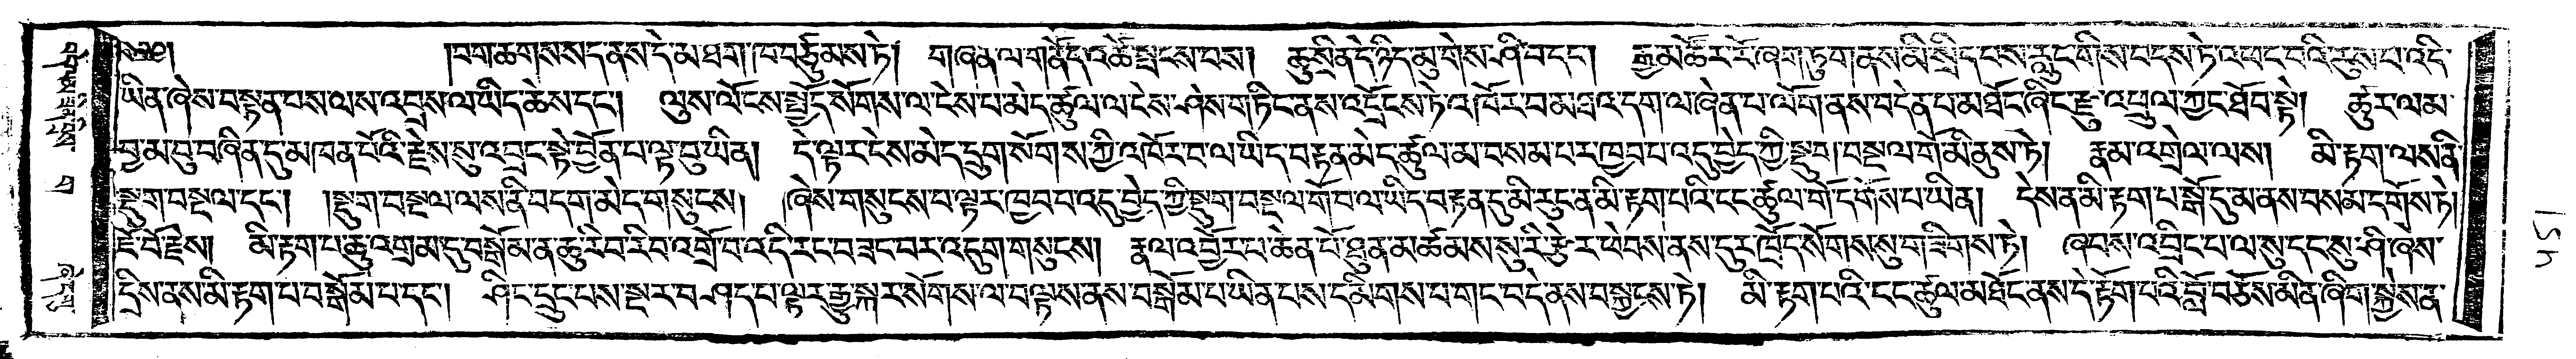༄༅། །བག་ཆགས་སད་ནས་དེ་མ་ཐག་ཁ་བཙུམས་ཏེ། གཞན་ལ་གནོད་འཚེ་སྤངས་པས། ཆུ་སྲིན་དེ་ཉིད་མུ་གེས་ཤི་བ་དང་། རྒྱ་མཚོར་རོ་ཞག་ཏུ་གནས་མི་སྲིད་པས་རླུང་གིས་བདས་ཏེ་འཕང་བའི་རུས་པ་འདི་
ཡིན་ཞེས་བསྟན་བས་ལས་འབྲས་ལ་ཡིད་ཆེས་དང་། ལུས་ལོངས་སྤྱོད་སོགས་ལ་ངེས་པ་མེད་ཚུལ་ལ་ངེས་ཤེས་གཏིང་ནས་འདྲོངས་ཏེ་འཁོར་བ་མཐའ་དག་ལ་ཞེན་པ་ལོག་ནས་བདེན་པ་མཐོང་ཞིང་རྫུ་འཕྲུལ་ཀྱང་ཐོབ་སྟེ། ཚུར་ལམ་
བྱ་མ་བུ་བཞིན་དུ་མཁན་པོའི་རྗེས་སུ་འབྲང་སྟེ་བྱོན་པ་ལྟ་བུ་ཡིན། དེ་ལྟར་ངེས་མེད་དྲུག་སོགས་ཀྱི་འཁོར་བ་ལ་ཡིད་བརྟན་མེད་ཚུལ་མ་བསམ་པར་ཁྱབ་པ་འདུ་བྱེད་ཀྱི་སྡུག་བསྔལ་གོ་མི་ནུས་ཏེ། རྣམ་འགྲེལ་ལས། མི་རྟག་ལས་ནི་
སྡུག་བསྔལ་དང་། །སྡུག་བསྔལ་ལས་ནི་བདག་མེད་གསུངས། །ཞེས་གསུངས་པ་ལྟར་ཁྱབ་པ་འདུ་བྱེད་ཀྱི་སྡུག་བསྔལ་གོ་བ་ལ་ཡིད་བརྟན་དུ་མི་རུང་ན་མི་རྟག་པའི་ངང་ཚུལ་གོ་དགོས་པ་ཡིན། དེས་ན་མི་རྟག་པ་སྒོ་དུ་མ་ནས་བསམ་དགོས་ཏེ།
ཇོ་བོ་རྗེས། མི་རྟག་པ་ཆུ་འགྲམ་དུ་བསྒོམ་ན་ཆུ་རིབ་རིབ་འགྲོ་བ་འདི་རང་བཟང་བར་འདུག་གསུངས། རྣལ་འབྱོར་པ་ཆེན་པོ་ཐུན་མཚམས་སུ་རི་རྩེར་རེ་ཕེབས་ནས་དུར་ཁྲོད་སོགས་སུ་གཟིགས་ཏེ། ཞབས་འབྲིང་པ་ལ་སུ་དང་སུ་ཤི་ཞེས་
དྲིས་ནས་མི་རྟག་པ་བསྒོམ་པ་དང་། ཤིང་དྲུང་པས་སྤར་བཤད་པ་ལྟར་རྒྱུ་སྐར་སོགས་ལ་བལྟས་ནས་བསྒོམ་པ་ཡིན་པས་དམིགས་པ་གང་བདེ་ནས་བསྐྱངས་ཏེ། མི་རྟག་པའི་ངང་ཚུལ་མཐོང་ནས་དེ་རྟོག་པའི་བློ་བཅོས་མིན་ཞིག་སྐྱེས་ན་